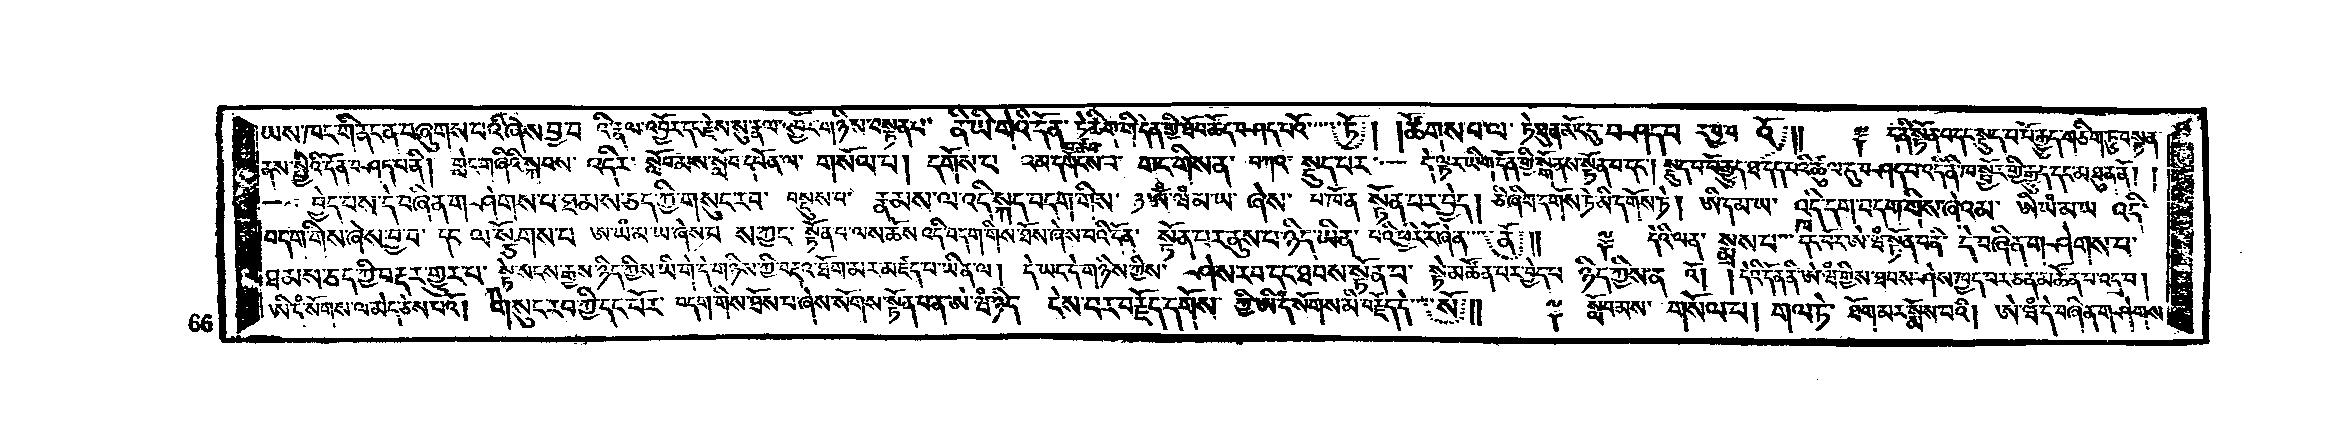ཡས་ཁང་གི་ནང་ན་བཞུགས་པའོ་ཞེས་བྱ་བའི་རྣལ་འབྱོར་དང་རྗེས་སུ་རྣལ་འབྱོར་གཉིས་བསྟན་པ་ནི་ཡི་གེའི་དོན་ཏེ་ཚིག་གི་དོན་གྱི་ཐོབ་ཆོད་བཤད་པའོ་ཏོ། །ཚོགས་པ་ལ་ཏེ་ཐུན་མོང་དུ་བཤད་པར་བྱ་བའོ།། ༈ དེ་ནི་སྟོན་པ་དང་སྡུད་པ་པོ་རྒྱུད་གཅིག་ཏུ་བསྟན་
ནས་སྤྱིའི་དོན་བཤད་པ་ནི། གླེང་གཞིའི་སྐབས་འདིར་སློབ་མས་སློབ་དཔོན་ལ་གསོལ་པ། དགོས་པ་འམ་དགོངས་པ་གང་གིས་ན་བཀའ་སྡུད་པར་H.་དེ་ལྟར་ཡིག་དོན་གྱི་སྒོ་ནས་སྟོན་པ་དང་། སྡུད་པ་པོ་རྒྱུད་ཐ་དད་པའི་ཚུལ་དུ་བཤད་པ་འདི་ནི་ཁ་སྦྱོར་གྱི་རྒྱུད་དང་མཐུན་ནོ། །
.Hབྱེད་པས་དེ་བཞིན་གཤེགས་པ་ཐམས་ཅད་ཀྱི་གསུང་རབ་བསྡུས་པ་རྣམས་ལ་འདི་སྐད་བདག་གིས་ཏོ་ཨོཾ་ཝཾ་མ་ཡ་ཞེས་པ་ཁོ་ན་སྟོན་པར་བྱེད། ཅི་ཞིག་དགོས་ཏེ་མི་དགོས་ཏེ། ཨི་དཾ་མ་ཡ་འདི་དག་བདག་གིས་ཞེའམ་ཨི་ཡཾ་མ་ཡ་འདི་
བདག་གིས་ཞེས་བྱ་བ་དང་ལ་སྩོགས་པ་ཨ་ཡཾ་མ་ཡ་ཞེས་པ་ས་ཀྱང་སྟོན་པ་ལས་ཆོས་འདི་བདག་གིས་ཐོས་ཞེས་པའི་དོན་སྟོན་པར་ནུས་པ་ཉིད་ཡིན་པའི་ཕྱིར་རོ་ཞེ་ན་ནོ།། ༈ དེའི་ལན་སྨྲས་པ་དང་པོར་ཨེ་ཝཾ་སྟོན་པ་ནི་དེ་བཞིན་གཤེགས་པ་
ཐམས་ཅད་ཀྱི་བརྡར་གྱུར་པ་སྟེ་སངས་རྒྱས་ཉིད་ཀྱིས་ཡི་གེ་དེ་གཉིས་ཀྱི་བརྡའ་ཐོག་མར་མཛད་པ་ཡིན་ལ། དེ་ཡང་དེ་གཉིས་ཀྱིས་ཤེས་རབ་དང་ཐབས་སྟོན་པ་སྟེ་མཚོན་པར་བྱེད་པ་ཉིད་ཀྱིས་ན་འོ། །དེའི་དོན་ནི་ཨེ་ཝཾ་གྱིས་ཐབས་ཤེས་ཁྱད་པར་ཅན་མཚོན་པ་འདྲ་བ།
ཨི་དཾ་སོགས་ལ་མེད་ཅེས་པའོ། གསུང་རབ་ཀྱི་དང་པོར་བདག་གིས་ཐོས་པ་ཞེས་སོགས་སྟོན་པ་ན་ཨེ་ཝཾ་ཉིད་ངེས་པར་བརྗོད་དགོས་ཀྱི་ཨི་དཾ་སོགས་མི་བརྗོད་དེ་སོ།། ༈ སློབ་མས་གསོལ་པ། གལ་ཏེ་ཐོག་མར་སྨོས་པའི། ཨེ་ཝཾ་དེ་བཞིན་གཤེགས་